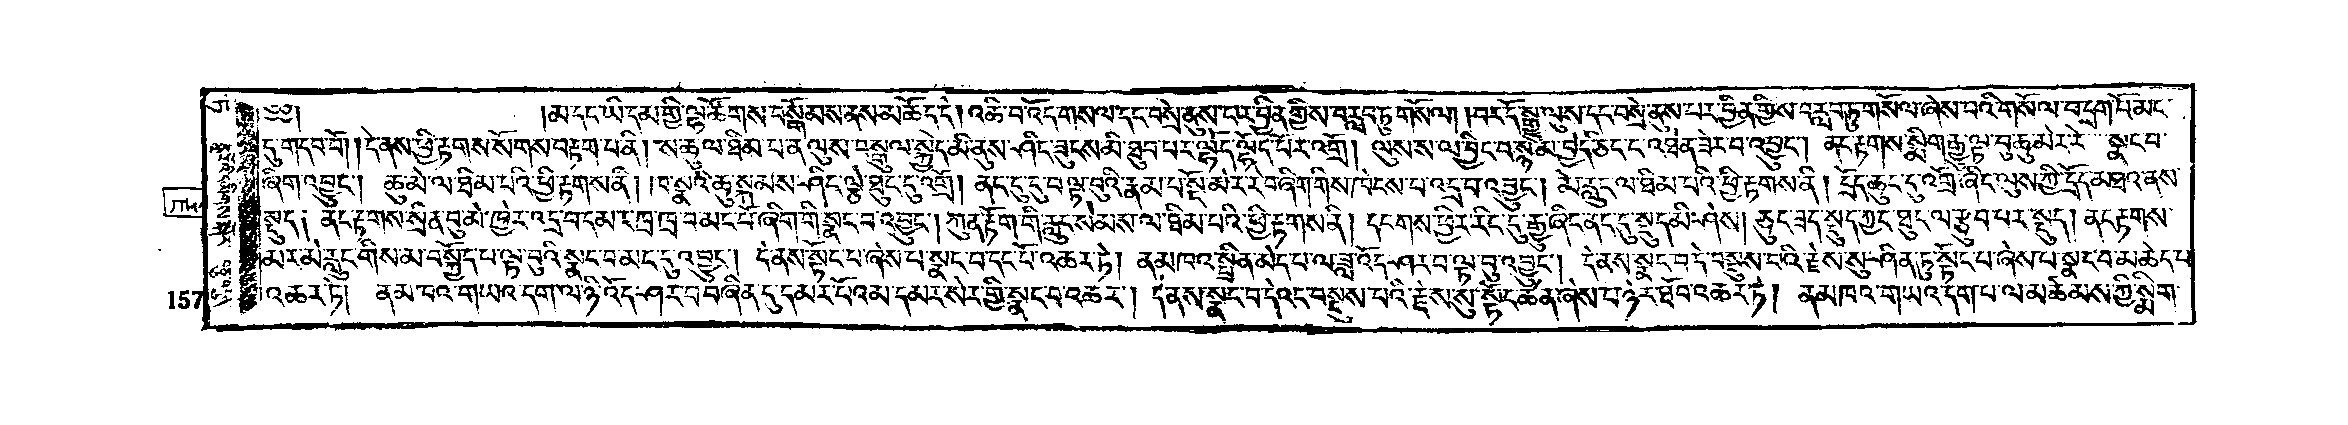༄༅། །མ་དང་ཡི་དམ་གྱི་ལྷ་ཚོགས་བསྒོམས་ནས་མཆོད་དེ། འཆི་བ་འོད་གསལ་དང་བསྲེ་ནུས་པར་བྱིན་གྱིས་བརླབ་ཏུ་གསོལ། །བར་དོ་སྒྱུ་ལུས་དང་བསྲེ་ནུས་པར་བྱིན་གྱིས་བརླབ་ཏུ་གསོལ་ཞེས་པའི་གསོལ་བ་དྲག་པོ་མང་
དུ་གདབ་བོ། །དེ་ནས་ཕྱི་རྟགས་སོགས་བརྟག་པ་ནི། ས་ཆུ་ལ་ཐིམ་པ་ན་ལུས་བསྒུལ་སྐྱད་མི་ནུས་ཤིང་ཟུངས་མི་ཐུབ་པར་ལྷོད་ལྷོད་པོར་འགྲོ། ལུས་ས་ལ་བྱིང་བ་སྙམ་བྱེད་ཅིང་ང་འཐེན་ཟེར་བ་འབྱུང་། ནང་རྟགས་སྨིག་རྒྱུ་ལྟ་བུ་ཆུ་མེར་རེ་སྣང་བ་
ཞིག་འབྱུང་། ཆུ་མེ་ལ་ཐིམ་པའི་ཕྱི་རྟགས་ནི། །བ་སྣའི་ཆུ་སྐམས་ཤིང་ལྕེ་ཐུང་དུ་འགྲོ། ནང་དུ་དུ་བལྟ་བུའི་རྣམ་པ་སྔོ་མེར་རེ་བ་ཞིག་གིས་ཁེངས་པ་འདྲ་བ་འབྱུང་། མེ་རླུང་ལ་ཐིམ་པའི་ཕྱི་རྟགས་ནི། དྲོད་ཆུང་དུ་འགྲོ་ཞིང་ལུས་ཀྱི་དྲོད་མཐའ་ནས་
སྡུད། ནང་རྟགས་སྲིན་བུ་མེ་ཁྱེར་འདྲ་བ་དམར་ཁྲ་ཁྲ་བ་མང་པོ་ཞིག་གི་སྣང་བ་འབྱུང་། ཀུན་རྟོག་གི་རླུང་སེམས་ལ་ཐིམ་པའི་ཕྱི་རྟགས་ནི། དབུགས་ཕྱིར་རིང་དུ་རྒྱུ་ཞིང་ནང་དུ་སྡུད་མི་ཤེས། ཅུང་ཟད་སྡུད་ཀྱང་ཐུང་ལ་རྩུབ་པར་སྡུད། ནང་རྟགས་
མར་མེ་རླུང་གིས་མ་བསྐྱེད་པ་ལྟ་བུའི་སྣང་བ་མང་དུ་འབྱུང་། དེ་ནས་སྟོང་པ་ཞེས་པ་སྣང་བ་དང་པོ་འཆར་ཏེ། ནམ་མཁའ་སྤྲིན་མེད་པ་ལ་ཟླ་འོད་ཤར་བ་ལྟ་བུ་འབྱུང་། དེ་ནས་སྣང་བ་དེ་བསྡུས་པའི་རྗེས་སུ་ཤིན་ཏུ་སྟོང་པ་ཞེས་པ་སྣང་བ་མཆེད་པ་
འཆར་ཏེ། ནམ་མཁའ་གཡའ་དག་ལ་ཉི་འོད་ཤར་བ་བཞིན་དུ་དམར་པོའམ་དམར་སེར་གྱི་སྣང་བ་འཆར། དེ་ནས་སྣང་བ་དེའང་བསྡུས་པའི་རྗེས་སུ་སྟོང་ཆེན་ཞེས་པ་ཉེར་ཐོབ་འཆར་ཏེ། ནམ་མཁའ་གཡའ་དག་པ་ལ་མཚམས་ཀྱི་སྨག་